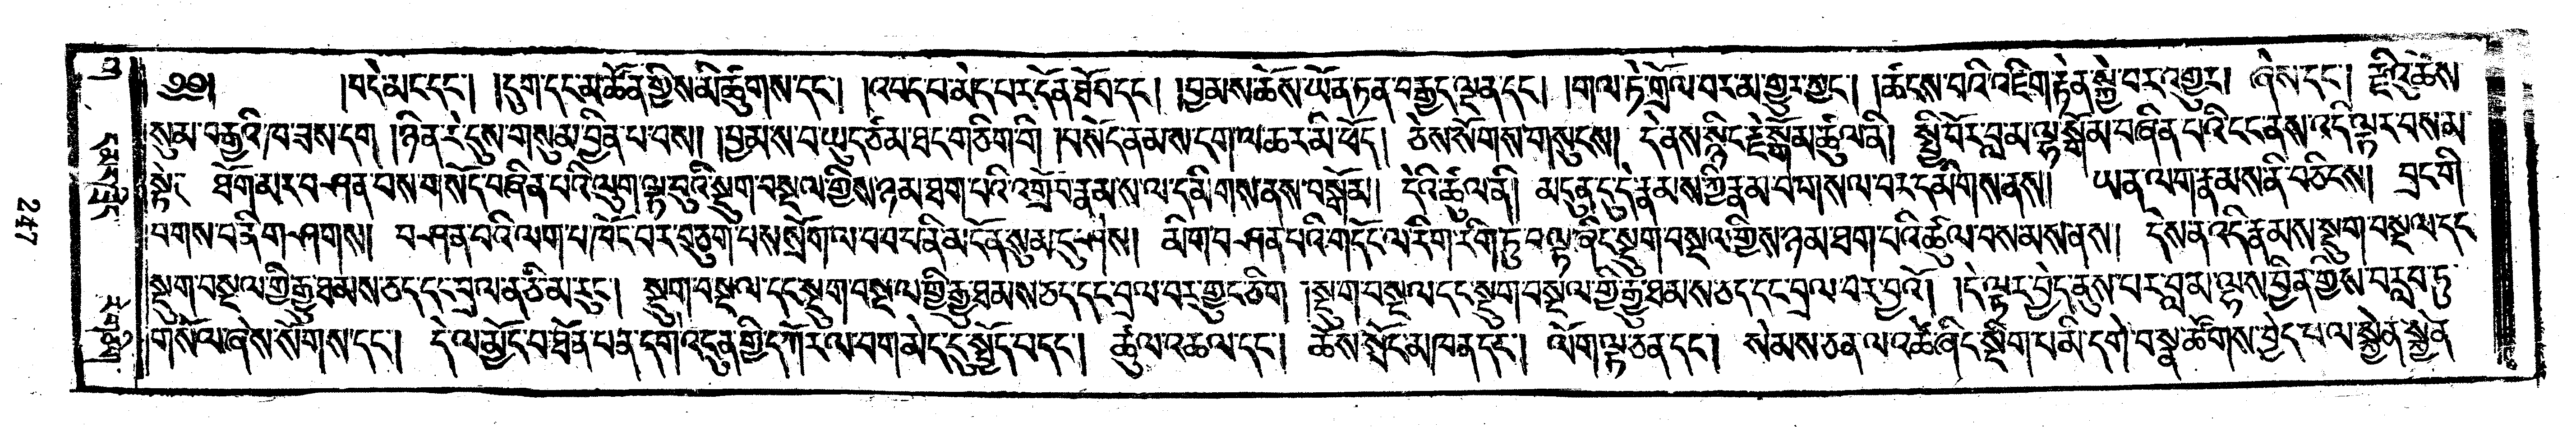༄༅། །བདེ་མང་དང་། །དུག་དང་མ་ཚོན་གྱིས་མི་ཚུགས་དང་། །འབད་པ་མེད་པར་དོན་ཐོབ་དང་། །བྱམས་ཆོས་ཡོན་ཏན་བརྒྱད་ལྡན་དང་། །གལ་ཏེ་གྲོལ་བར་མ་གྱུར་ཀྱང་། །ཚངས་པའི་འཇིག་རྟེན་སྐྱེ་བར་འགྱུར། །ཞེས་དང་། རྫིའུ་ཆོས་
སུམ་བརྒྱའི་ཁ་ཟས་དག །ཉིན་རེ་དུས་གསུམ་བྱིན་པ་བས། །བྱམས་པ་ཡུད་ཙམ་ཐང་གཅིག་གི །བསོད་ནམས་ངག་ལ་ཆར་མི་ཕོད། ཅེས་སོགས་གསུངས། དེ་ནས་སྙིང་རྗེ་སྒོམ་ཚུལ་ནི། སྤྱི་བོར་བླ་མ་ལྷ་སྒོམ་བཞིན་པའི་ངང་ནས་འདི་ལྟར་བསམ་
སྟེ༑ ཐོག་མར་བཤན་པས་གསོད་བཞིན་པའི་ལུག་ལྟ་བུའི་སྡུག་བསྔལ་གྱིས་ཉམ་ཐག་པའི་འགྲོ་བ་རྣམས་ལ་དམིགས་ནས་བསྒོམ། དེའི་ཚུལ་ནི། མདུན་དུ་དེ་རྣམས་ཀྱི་རྣམ་པ་གསལ་བར་དམིགས་ནས། ཡན་ལག་རྣམས་ནི་བཅིངས། བྲང་གི་
བགས་བ་ནི་གཤགས། བཤན་པའི་ལག་པ་ཁོང་བར་བཅུག་པས་སྲོག་ལ་བ་བ་པ་ནི་མངོན་སུམ་དུ་ཤེས། མིག་བཤན་པའི་གདོང་ལ་རིག་རིག་ཏུ་བལྟ་ཞིང་སྡུག་བསྔལ་གྱིས་ཉམ་ཐག་པའི་ཚུལ་བསམས་ནས། དེས་ན་འདི་རྣམས་སྡུག་བསྔལ་དང་
སྡུག་བསྔལ་གྱི་རྒྱུ་ཐམས་ཅད་དང་བྲལ་ན་ཅི་མ་རུང་། སྡུག་བསྔལ་དང་སྡུག་བསྔལ་གྱི་རྒྱུ་ཐམས་ཅད་དང་བྲལ་བར་གྱུར་ཅིག། །སྡུག་བསྔལ་དང་སྡུག་བསྔལ་གྱི་རྒྱུ་ཐམས་ཅད་དང་བྲལ་བར་བྱའོ། །དེ་ལྟར་བྱེད་ནུས་པར་བླ་མ་ལྷས་བྱིན་གྱིས་བརླབ་ཏུ་
གསོལ་ཞེས་སོགས་དང་། དེ་ལ་མྱོང་བ་ཐོན་པ་ན་དགེ་འདུན་གྱི་དཀོར་ལ་བག་མེད་དུ་སྤྱོད་པ་དང་། ཚུལ་འཆལ་དང་། ཆོས་སྤོང་མཁན་དང་། ལོག་ལྟ་ཅན་དང་། སེམས་ཅན་ལ་འཚེ་ཞིང་སྡིག་པ་མི་དགེ་བ་སྣ་ཚོགས་བྱེད་པ་ལ་སྐྱེན་སྐྱེན་